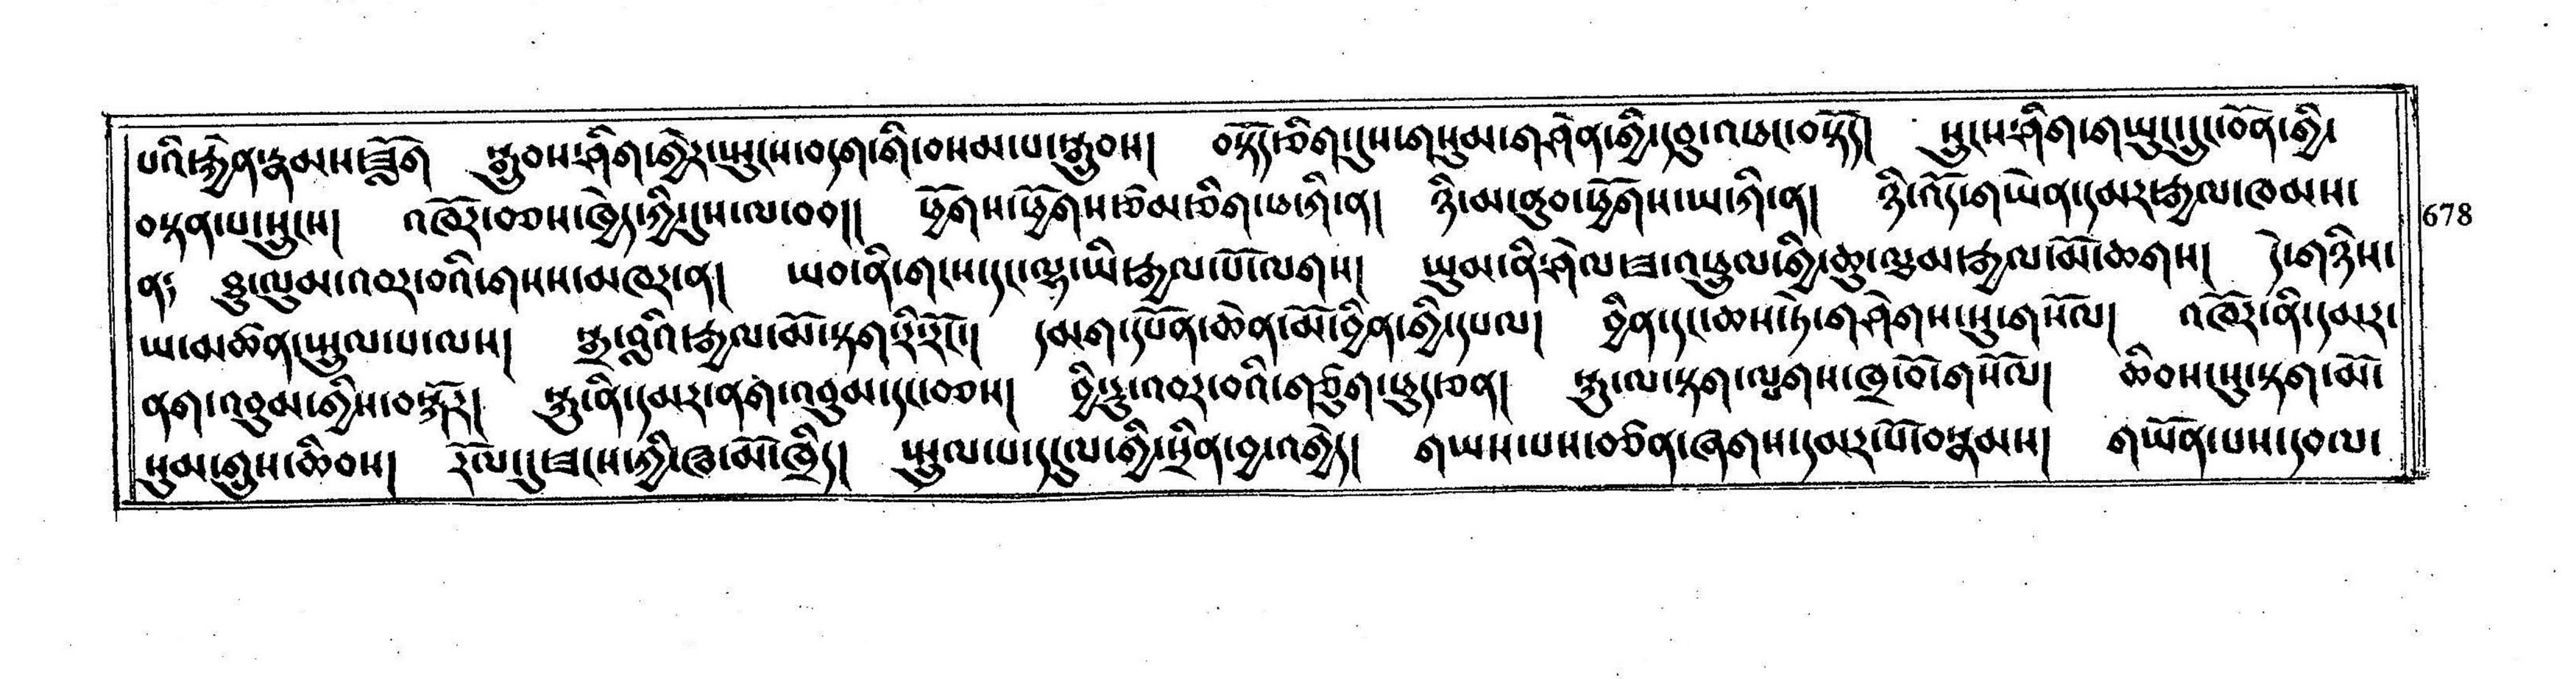པའི་རྐྱེན་རྣམས་ཟློག སྒྲུབས་ཤིག་གྱེར་སྤུངས་བདག་གི་བསམ་པ་སྒྲུབས། བསྟོད་ཅིག་དུས་གསུམ་གཤེན་གྱི་དབུ་འཕང་བསྟོད། སྲུངས་ཤིག་གཡུང་དྲུང་བོན་གྱི་
བསྟན་པ་སྲུངས། འཁོར་བཅས་ཁྱེད་ཀྱི་དུས་ལ་བབ།། ཕྱོགས་ཕྱོགས་ཙམ་ཅིག་ཕ་ཀི་ན། ཉི་མ་ནུབ་ཕྱོགས་ཡ་ཀི་ན། ཉི་འོད་གཡེན་དམར་རྒྱལ་ཁམས་
ན། ཐུ་ལུམ་འབར་བའི་གསས་མཁར་ན། ཡབ་ནི་གངས་དང་ལྷ་ཡི་རྒྱལ་པོ་ལགས། ཡུམ་ནི་ཤེལ་ཟ་འཕྲུལ་གྱི་ཆུ་ལྕམ་རྒྱལ་མོ་ཆགས། དེ་གཉིས་
ཡ་མཚན་སྤྲུལ་པ་ལས། སྒྲ་བླའི་རྒྱལ་མོ་སྟག་རི་རོང་། དམག་དཔོན་ཆེན་མོ་བྱིན་གྱི་དཔལ། བྱིན་དང་ཆས་ཏེ་གཤེགས་སུ་གསོལ། འཁོར་ནི་དམར་
ནག་འབུམ་གྱིས་བསྐོར། སྐུ་ནི་དམར་ནག་འབུམ་དང་བཅས། བྱི་རུ་འབར་བའི་གཙུག་ཕུད་ཅན། སྐུ་ལ་སྟག་ལྤགས་ཁྲ་བོ་གསོལ། ཆིབས་སུ་སྟག་མོ་
སུམ་གྲུས་ཆིབས། རོལ་དུ་ཟངས་ཀྱི་ཝ་མོ་ཁྲིད། སྤྲུལ་པ་དངུལ་གྱི་སྲིན་བྱ་འགྱེད། གཡས་པས་བཙན་ཞགས་དམར་པོ་བསྣམས། གཡོན་པས་དབལ་